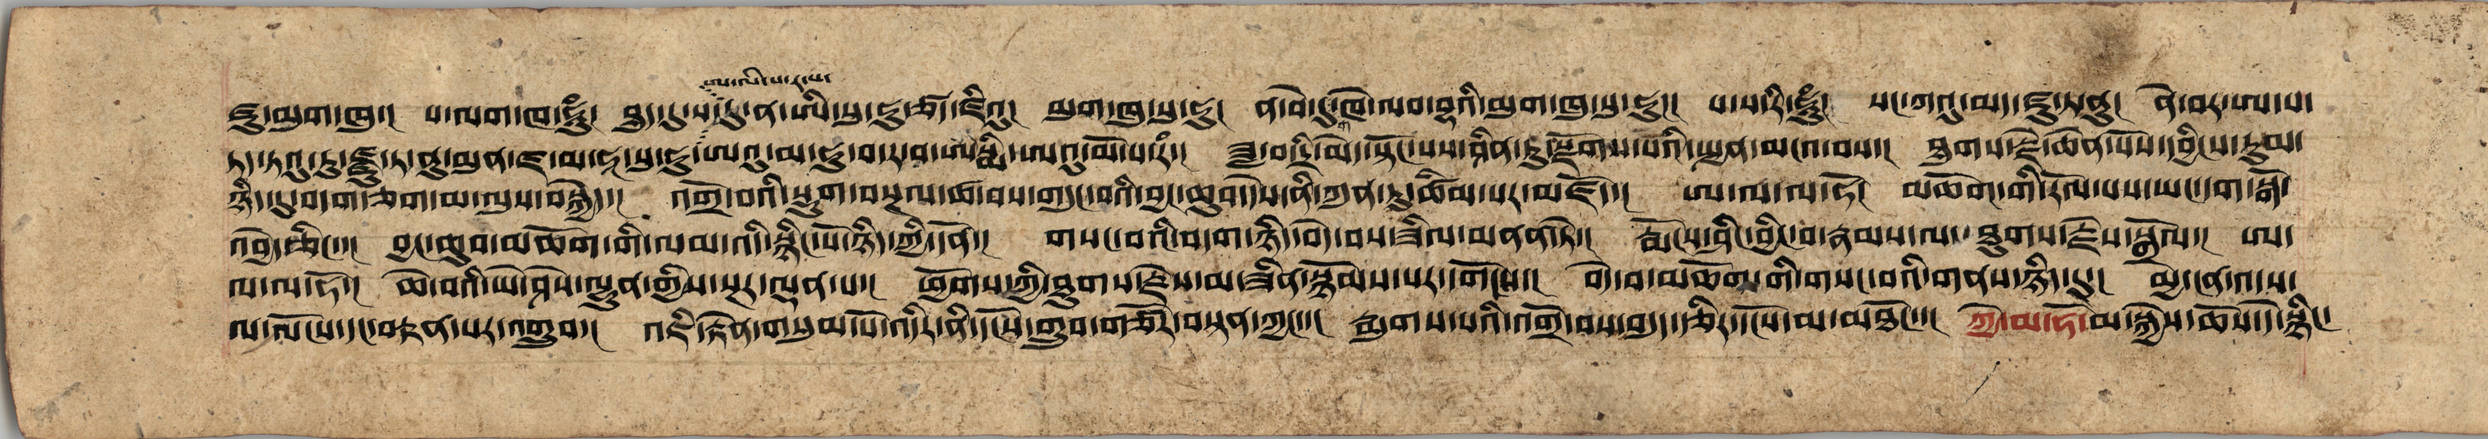ཛུ་མུག་ཁུ་། ས་ལག་ཁ་ཧཱུཾ། བྷུད་དུ་ས་དུ་ན་ཨི་སུ་ཧུ་ཙད་ཛིའུ། མུག་ཁུ་སུ་ཧུ། ན་བེ་དུག་ཁེ་ལབ་བྷའི་མུག་ཁུ་སུ་ཧུ་། ས་ས་རི་ཧཱུཾ། སང་ཀའུ་མད་ཛུ་ཏ་ནུ། ནེ་བར་ཨ་པ་
ཏད་ཏའུ་རུ་ཛྫུ་ཏ་ནུ་མུན་ཛ་མ་ཧཱ་སུ་ཧུ་ཨའུ་མ་ཧུ་བ་ར་བ་ཨསྨི་ཨའུ་མོ་ས་རཾ་། ཟླ་བ་དྲི་མེད་སྟོང་པས་ཤིན་ཏུ་སྫོགས་པའི་སྤྱན་མངའ་བས་། ཐུགས་རྗེ་ཆེན་པོས་དབྱིངས་རུམ་
ཉིད་དུ་བདག་ཅག་མ་ལུས་བསྐྱེད་། འགྲོ་བའི་སྡུག་བསྔལ་ཚ་བས་གདུང་བའི་བྱང་ཆུབ་དེས་ནི་ཀུན་ཏུ་ཚིམ་པར་མཛོད་། ཨ་ལ་ལ་ཧོ། མཆོག་གི་རོལ་པས་ཡང་དག་སྒོ་
འབྱེད་ཅིང་་། བྱང་ཆུབ་མཆོག་གི་ལམ་འདི་སྙིང་པོ་ཉིད་ཀྱི་དོན་། གསང་བའི་བདག་ཉིད་བདེ་བས་ཟིལ་མནན་ཏེ་། རྨོངས་ཤིང་བྱིང་བ་རྣམས་ལ་ཐུགས་རྗེས་སྒྲོལ་། ཨ་
ལ་ལ་ཧོ་། ཆེ་བའི་ཡེ་ཤེས་ལྷུན་གྱིས་སྔར་ལྡན་པ་། ཕྱོགས་ཀྱི་ཐུགས་རྗེས་མ་ཟིན་སྙོམས་པར་དགོངས་། བདེ་བ་མཆོག་གི་གསང་བའི་གནས་ཉིད་དུ་། མྱ་ངན་འདས་
ལ་ལོངས་དང་བརྟན་པར་འགྲུབ་། འཇི་རྟེན་གསུམ་པོ་འདིར་ནི་དངོས་གྲུབ་གཙོར་བསྟན་ཀྱང་་། རྨུགས་པའི་འགྲོ་བས་བདུད་རྩིར་དངོས་མ་མཐོང་་། ཀྱེ་མ་ཧོ་མ་སྐྱེས་ཆོས་དེ་སྙིང